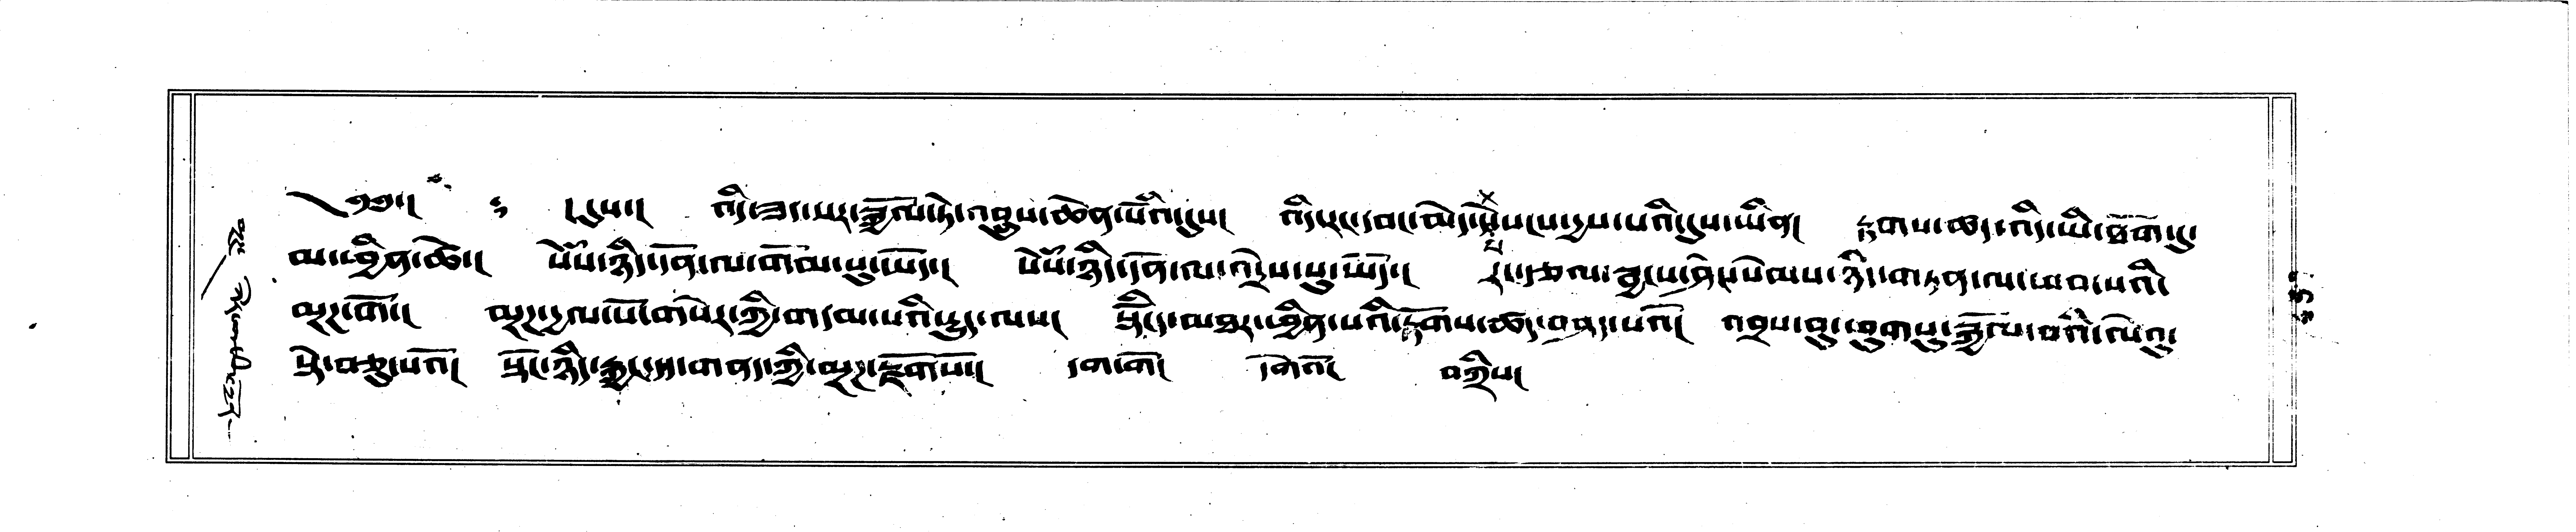དུས། འདི་ནི་ཟད་སར་སྐྱོལ་ཏེ་འབྲས་བུ་ཆེན་པོའི་དུས། འདི་རང་དབང་མེད་དེ་སངས་རྒྱས་པའི་དུས་ཡིན། རྟགས་ཚད་འདིའི་ཐོག་ཏུ་
མ་ཕྱིན་ཚེ། སེམས་ཉིད་དོན་ལ་གོམས་སུ་ཡོད། སེམས་ཉིད་དོན་ལ་འདྲིས་སུ་ཡོད། རང་རྩལ་སྦྱངས་ཤིང་། སེམས་ཉིད་གཏད་༼བཏན༽ལ་ཕེབ་པའི་
མེན་ངག་གོ མེན་ངག་རྒྱལ་པོ་གསེར་གྱིས་གདམ་པའི་རྒྱུད་ལས། སྟོང་ཉིད་མཐར་ཕྱིན་པའི་རྟགས་ཚད་བཤད་པའོ། འབྲས་བུ་མཐར་ཕྱིན་པའི་ལེའུ་
སྟེ་བཅུ་པའོ། སྟོང་ཉིད་རྐྱང་དེད་གནད་ཀྱིས། མེན་ངག་རྫོགས་སོ། [འདི་བྲིས་དགེ་བའི་རྩ་བ་དེས། མཐའ་ཡས་སེམས་ཅན་ཐམས་ཅད་ཀུན། རྟོགས་གྲོལ་འཆར་ནས་ཡེ་སངས་རྒྱས་པར་ཤོག བཀྲ་ཤིས་ཞལ་དྲོ་ཡེ་སངས་རྒྱས་པར་ཤོག དགེའོ། དགེའོ།]